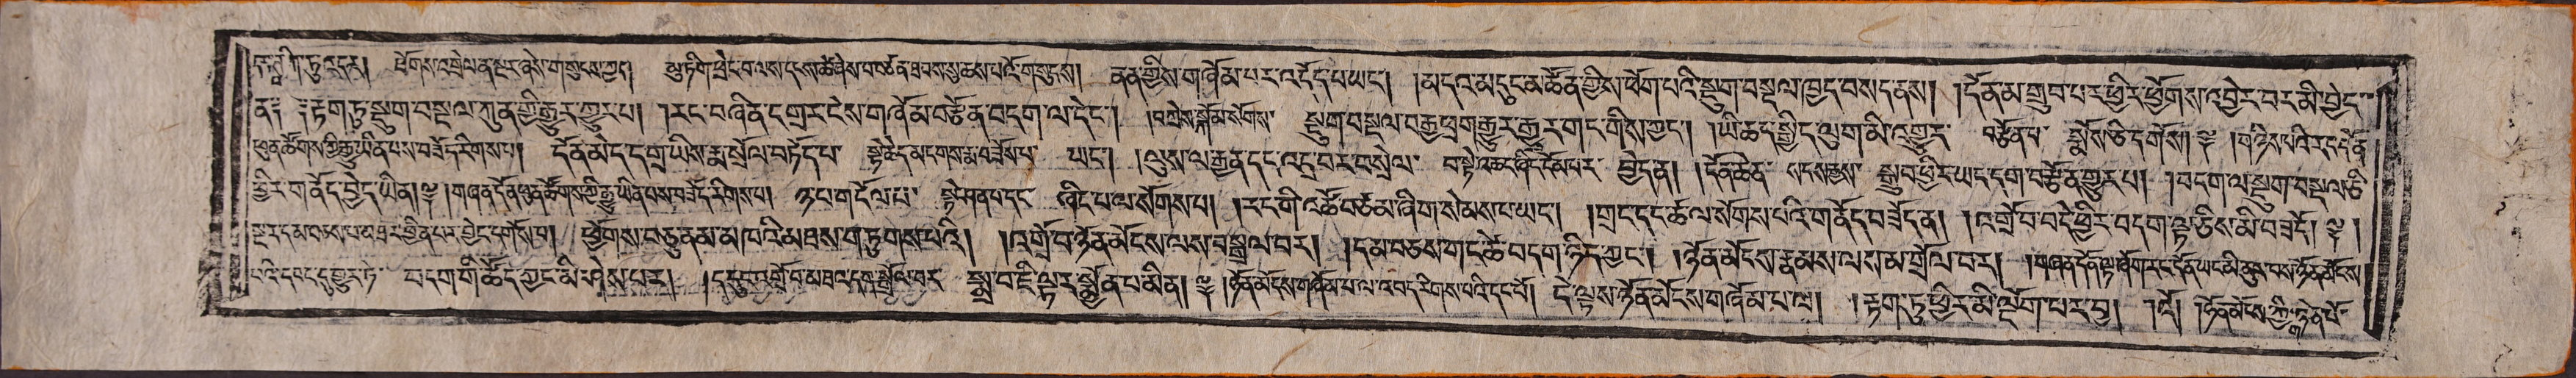ཌ་ཊཱིཀ་ཏུ་འདར། ཐོགས་འགྲེལ་ན་སྔར་ཞེས་གསུངས་ཀྱང་། མུ་ཏིག་གྲེང་བ་ལས་དྲངས་ཚེ་ཞེས་པ་བཙན་ཐབས་སུ་ཆགས་པའི་གསུངས། ནན་གྱིས་གཞོམ་པར་འདོད་པ་ཡང་། །མདའ་མདུང་མཚོན་གྱིས་ཕོག་བའི་སྡུག་བསྔལ་ཁྱད་བསད་ནས། །དོན་མ་གྲུབ་པར་ཕྱིར་ཕྱོགས་འབྱེར་བུར་མི་བྱེད་
ན༑ ༑རྟག་ཏུ་སྡུག་བསྔལ་ཀུན་གྱི་རྒྱུར་གྱུར་པ། །རང་བཞིན་དགྲར་ངེས་གཞོམ་བརྩོན་བདག་ལ་དེང་། བཀྲེས་སྐོམ་སོགས་སྡུག་བསྔལ་བརྒྱ་ཕྲག་རྒྱུར་གྱུར་གང་གིས་ཀྱང་། །ཡི་ཆད་སྒྱིད་ལུག་མི་འགྱུར་བརྩོན་པ་སྨོས་ཅི་དགོས། ༈ །གཉིས་པའི་རང་དོན་
ཕུན་ཚོགས་ཀྱི་རྒྱུ་ཡིན་པས་བཟོད་རིགས་པ། དོན་མེད་དགྲ་ཡིས་རྨ་སྲོལ་བཏོད་པ་སྟེ་ཆེད་མདགས་རྨ་བཟོས་པ་ཡང་། །ལུས་ལ་རྒྱན་དང་འདྲ་བར་བསྲེལ་བ་སྟེ་འཆང་ཞིང་ངོམ་པར་བྱེད་ན། །དོན་ཆེན་སངས་རྒྱས།  སྒྲུབ་ཕྱིར་ཡང་དག་བརྩོན་གྱུར་བ། །བདག་ལ་སྡུག་བསྔལ་ཅི་
གྱིར་གནོད་བྱེད་ཡིན། ༈ །གཞན་དོན་ཕུན་ཚོགས་ཀྱི་རྒྱུ་ཡིན་པས་བཟོད་རིགས་པ།  ཉ་པ་གདོལ་པ་སྟེ་ཤན་པ་དང་ཞིང་པ་ལ་སོགས་བ། །རང་གི་འཚོ་བ་ཙམ་ཞིག་སེམས་པ་ཡང་། །གྲང་དང་ཚ་ལ་སོགས་པའི་གནོད་བཟོད་ན། །འགྲོ་བ་བདེ་ཕྱིར་བདག་ལྟ་ཅིས་མི་བཟོད། ༈ །
སྔར་དམ་པ་ངས་པ་མཐར་ཕྱིན་པར་བྱེད་དགོས་པ།  ཕྱོགས་བཅུ་ནམ་མཁའི་མཐས་གཏུམས་པའི། །འགྲོ་བ་ཉོན་མོངས་ལས་བསྒྲལ་བར། །དམ་བཅས་གང་ཚེ་བདག་ཉིད་ཀྱང་། །ཉོན་མོངས་རྣམས་ལས་མ་འགྲོལ་བར། གཞན་དོན་ལྟ་ཞོག་རང་དོན་ཡང་མི་ནུས་པས་ཉོན་མོངས་
པའི་དབང་དུ་གྱུར་ཏེ་བདག་གི་ཚོད་ཀྱང་མི་ཤེས་པར། །ད་དུང་འགྲོ་བ་མཐའ་དག་སྒྲོལ་བར་སྨྲ་བ་ཇི་ལྟར་སྨྱོན་པ་མིན། ༈ །ཉོན་མོངས་གཞོམ་པ་ལ་འབད་རིགས་པའི་དང་པོ།  དེ་ལྟས་ཉོན་མོངས་གཞོམ་པ་ལ། །རྟག་ཏུ་ཕྱིར་མི་ལྡོག་པར་བྱ། །འོ། །ཉོན་མོངས་ཀྱི་གཉེན་པོ་